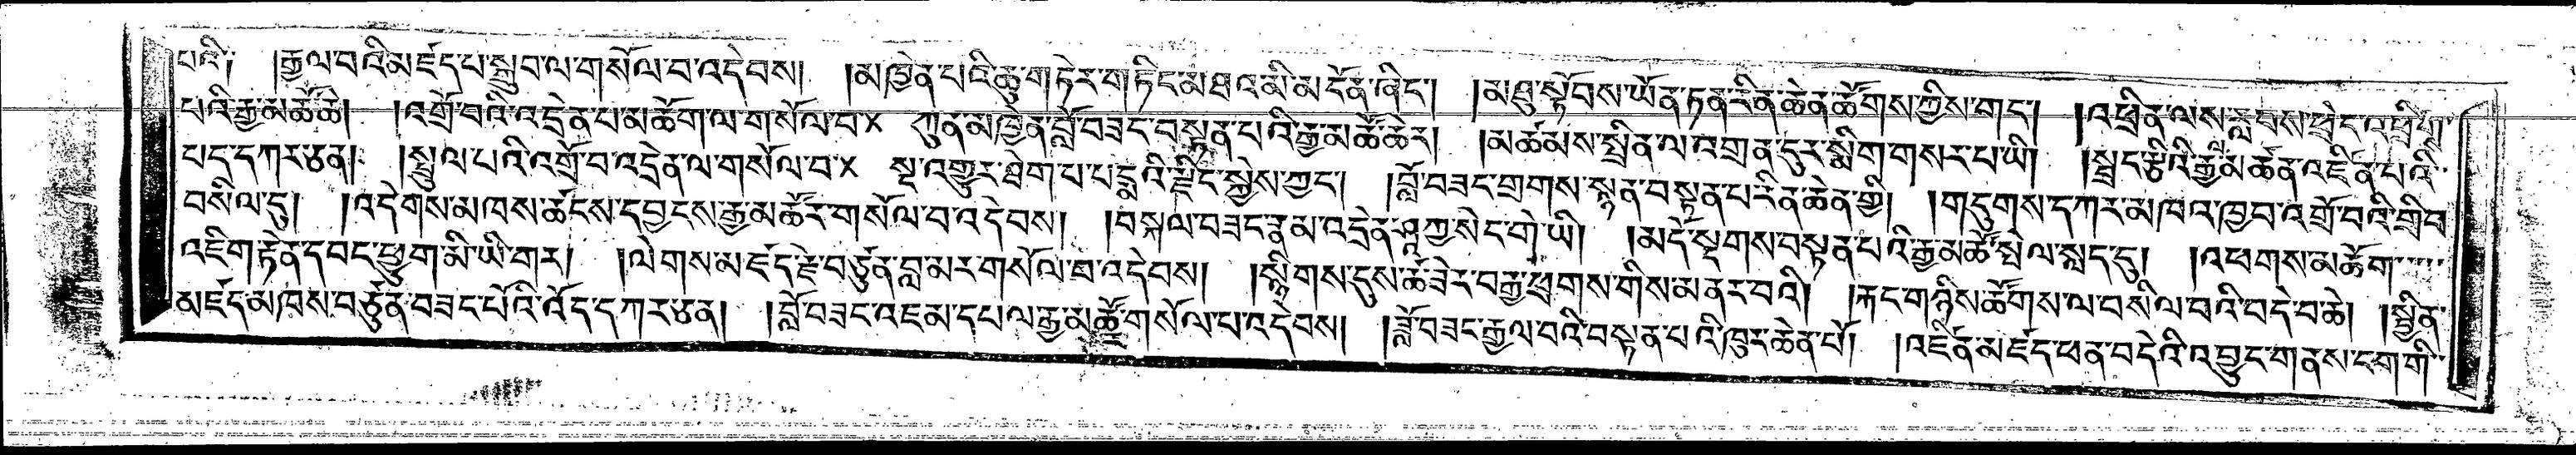པའི༑ །རྒྱལ་བའི་མཛད་པ་སྒྲུབ་ལ་གསོལ་བ་འདེབས། །མཁྱེན་པའི་ཆུ་གཏེར་གཏིང་མཐའ་མི་མངོན་ཞིང་། །མཐུ་སྟོབས་ཡོན་ཏན་རིན་ཆེན་ཚོགས་ཀྱིས་གང་། །འཕྲིན་ལས་རླབས་ཕྲེང་འཕྲིགས་
པའི་རྒྱ་མཚོ་ཆེ། །འགྲོ་བའི་འདྲེན་པ་མཆོག་ལ་གསོལ་བ་{྾}་ཀུན་མཁྱེན་བློ་བཟང་བསྟན་པའི་རྒྱ་མཚོ་ཆེར། །མཚམས་སྤྲིན་ལ་འགྲན་ངུར་སྨིག་གསར་པ་ཡི། །སྦྲང་རྩིའི་རྒྱལ་མཚན་འཛིན་པའི་
པད་དཀར་ཅན། །སྤྲུལ་པའི་འགྲོ་བ་འདྲེན་ལ་གསོལ་བ་{྾}་སྔ་འགྱུར་ཐེག་པ་པདམའི་རྫིང་སྐྱེས་ཀྱང་། །བློ་བཟང་གྲགས་སྙན་བསྟན་པ་རིན་ཆེན་གྱི། །གདུགས་དཀར་མཁའ་ཁྱབ་འགྲོ་བའི་གྲིབ་
བསིལ་དུ། །འདེགས་མཁས་ཚངས་དབྱངས་རྒྱ་མཚོར་གསོལ་བ་འདེབས། །བསྐལ་བཟང་རྣམ་འདྲེན་ཤཱཀྱ་སེང་གེ་ཡི། །མདོ་སྔགས་བསྟན་པའི་རྒྱ་མཚོ་སྤེལ་སླད་དུ། །འཕགས་མཆོག་
འཇིག་རྟེན་དབང་ཕྱུག་མི་ཡི་གར། །ལེགས་མཛད་རྗེ་བཙུན་བླ་མར་གསོལ་བ་འདེབས། །སྙིགས་དུས་ཚ་ཟེར་བརྒྱ་ཕྲགས་གིས་མནར་བའི། །རྐང་གཉིས་ཚོགས་ལ་བསིལ་བའི་བདེ་བ་ཆེ། །སྦྱིན་
མཛད་མཁས་བཙུན་བཟང་པོའི་འོད་དཀར་ཅན། །བློ་བཟང་འཇམ་དཔལ་རྒྱ་མཚོར་གསོལ་པ་འདེབས། །བློ་བཟང་རྒྱལ་བའི་བསྟན་པའི་ཁུར་ཆེན་པོ། །འཛིན་མཛད་ཕན་བདེའི་འབྱུང་གནས་ངག་གི་